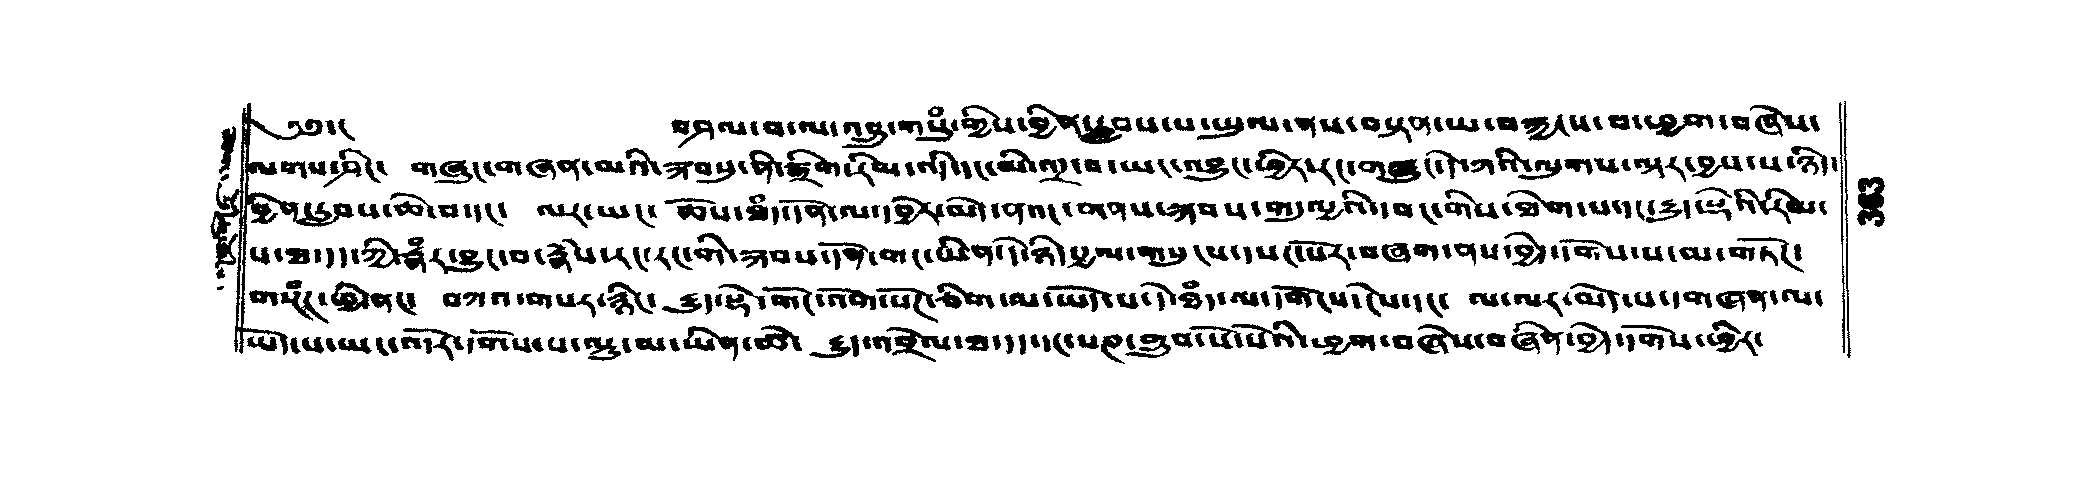བཤལ་བ་ལ་འབྲུ་གསུམ་གྱིས་བྱིན་རླབས་པ་ཕུལ་ནས་བསྟན་མ་བསྐྱངས་བ་ཕྱག་བཞེས་
ལགས་ཤིང་། གཞུང་གཞན་མའི་སྐབས་སུ་ན་སྒྲིག་རིམ་འདི་དང་མི་འདྲ་བ་ཡང་འབྱུང་ཕྱིར་གཞུང་དེ་ཀའི་ལུགས་ལྟར་བྱས་པ་ཉིད་
བྱིན་རླབས་ཆེ་བ་དང་། ལར་ཡང་། ཆོས་ཐམས་ཅད་དོན་ལ་དབྱེར་མེད་ནའང་གནས་ལུགས་གདུལ་བྱའི་དབང་གིས་ཐེག་པ་དང་རྒྱུད་སྡེའི་རིམ་
པ་ཐ་དད་ཀྱི་རྣམ་པར་བྱུང་བ་རྣམས་རང་རང་གི་སྐབས་དོན་གང་ཡིན་དེ་ཉིད་རྒྱལ་གསུངས་དཔང་པོར་བཞག་ནས་བྱེད་དགོས་པ་མ་གཏོགས་
གསང་སྔགས་ཕྱི་ནང་།བཀའ་གསར་རྙིང་། རྒྱུད་སྡེ་གོང་འོག་སོགས་གཅིག་ལ་ཡོད་པ་དེ་ཐམས་ཅད་ལ་དགོངས་ངེས་དང་། ལ་ལར་མེད་པ་གཞན་ལ་
ཡོད་པ་ཡང་འདོར་དགོས་པ་ལྟ་བུ་མ་ཡིན་ཚེ། རྒྱུད་འབྲེལ་ཐ་དད་དང་པཎ་གྲུབ་སོ་སོའི་ཕྱག་བཞེས་བཞིན་བྱེད་དགོས་ཕྱིར།